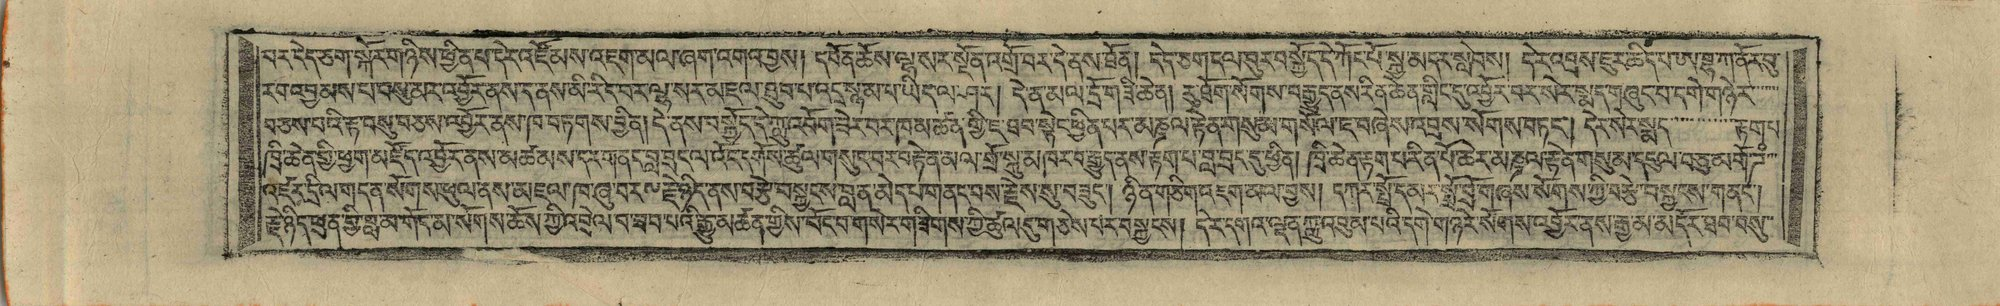བར་ངེད་ཅག་སྐོར་གཉིས་ཕྱིན་པ་དེར་འཛོམས་འཇག་མལ་ཞག་འགའ་བྱས། དཔོན་ཆོས་ལྷ་སར་སྔོན་འགྲོ་བར་དེ་ནས་ཐོན། ངེད་ཅག་ངལ་བུར་བསྐྱོད་དེ་ཀོང་པོ་སྐྱ་མདར་སླེབས། དེར་འབྲས་ཇུར་ཆིད་པ་ཨ་བྷ་ཀ་ནོར་བུ་
རབ་འབྱམས་པ་བསུ་མར་འབྱོར་ནས་ད་ནས་མི་རིང་བར་ལྷ་སར་མཇལ་ཐུབ་པ་འདྲ་སྙམ་པ་ཡིད་ལ་ཤར། དེ་ན་མལ་དྲོ་གཟི་ཆེན། རུ་ཐོག་སོགས་བརྒྱུད་ནས་རིན་ཆེན་གླིང་དུ་འབྱོར་བར་སེར་སྨད་གཞུང་པ་དགེ་གཉེར་
བཅས་པའི་རྟ་བསུ་བཅས་འབྱོར་ནས་ཁ་བཏགས་བྱིན། དེ་ནས་བསྐྱོད་དེ་ཀླུ་འབོག་ཟེར་བར་ཁམ་ཚན་གྱི་ཇ་ཐབ་སྟེང་ཕྱིན་པར་མཎྜལ་རྟེན་གསུམ་གསོལ་ཇ་བཞེས་འབྲས་སོགས་བཏང་། དེར་སེར་སྨད་རྟག་པ་
ཁྲི་ཆེན་གྱི་ཕྱག་མཛོད་འབྱོར་ནས་མཚམས་དར་གནང་བླ་བྲང་ལ་འོང་དགོས་ཚུལ་གསུང་བར་བརྟེན་མལ་གྲོ་སྐུ་མཁར་བརྒྱུད་ནས་རྟག་པ་བླ་བྲང་དུ་ཕྱིན། ཁྲི་ཆེན་རྟག་པ་རིན་པོ་ཆེར་མཎྜལ་རྟེན་གསུམ་དངུལ་བཅུ་མགོ་ཌཾ་
འཛར་དྲིལ་གདན་སོགས་ཕུལ་ནས་མཇལ་ཁ་ཞུ་བར་༧རྗེ་ཉིད་ནས་བརྩེ་བསྐྱངས་བླ་ན་མེད་པ་གནང་བས་རྗེས་སུ་བཟུང་། ཉིན་གཅིག་འཇག་མལ་བྱས། དཀར་སྤྲོ་དམར་སྤྲོ་བྲོ་གཞས་སོགས་ཀྱི་བརྩེ་བསྐྱངས་གནང་།
རྗེ་ཉིད་ཕྲན་གྱི་བླ་མ་གོང་མ་སོགས་ཆོས་ཀྱི་འབྲེལ་བ་ཟབ་པའི་རྒྱུ་མཚན་གྱིས་བོང་བ་གསེར་གཟིགས་ཀྱི་ཚུལ་དུ་གཅེས་པར་བསྐྱངས། དེར་དགའ་ལྡན་ཀླུ་འབུམ་པའི་དགེ་གཉེར་སོགས་འབྱོར་ནས་རྒྱ་མ་མདོར་ཐབ་བསུ་